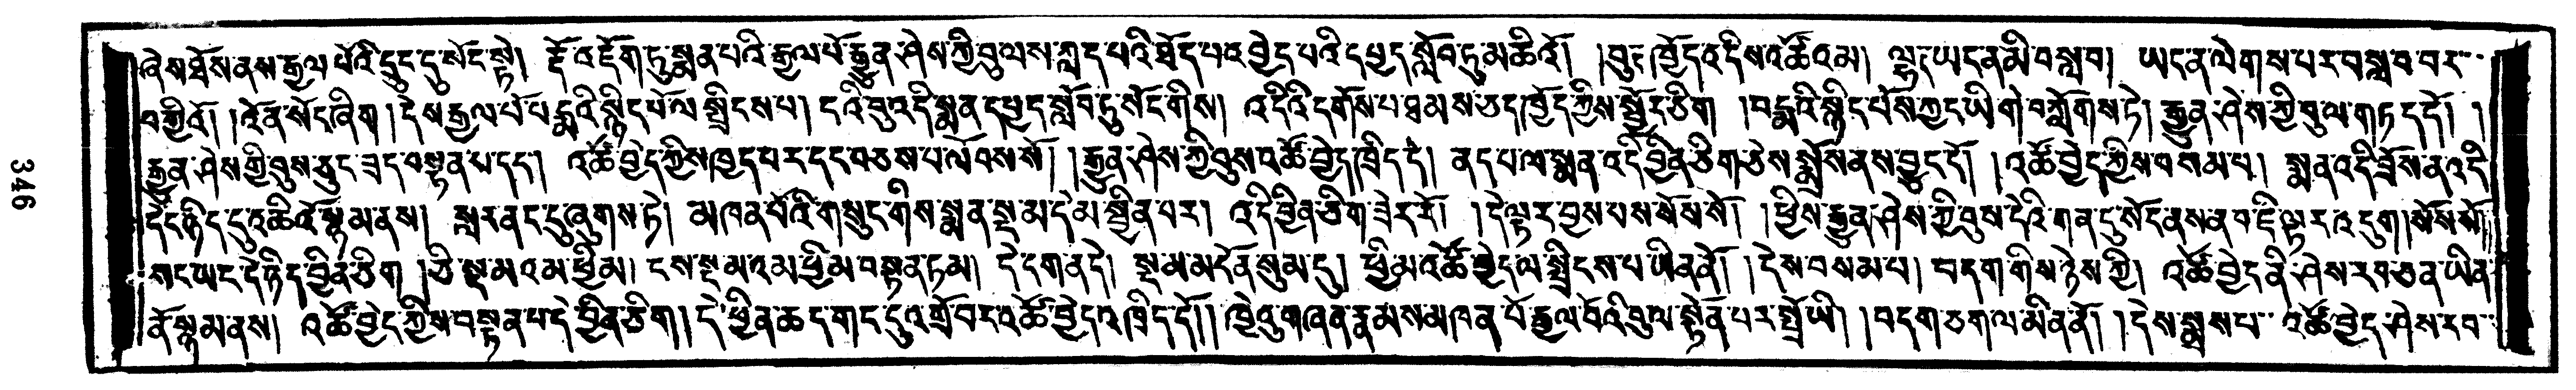ཞེས་ཐོས་ནས་རྒྱལ་པོའི་དྲུང་དུ་སོང་སྟེ། རྡོ་འཇོག་ཏུ་སྨན་པའི་རྒྱལ་པོ་རྒྱུན་ཤེས་ཀྱི་བུ་ལས་ཀླད་པའི་ཐོད་པ་འབྱེད་པའི་དཔྱད་སློབ་ཏུ་མཆིའོ། །བུ༑ ཁྱོད་འདིས་འཚོའམ། ལྷ༑ ཡང་ན་མི་བསླབ། ཡང་ན་ལེགས་པར་བསླབ་པར་
བགྱིའོ། །འོན་སོང་ཞིག །དེས་རྒྱལ་པོ་པདམའི་སྙིང་པོ་ལ་སྤྲིངས་པ། ངའི་བུ་འདི་སྨན་དཔྱད་སློབ་ཏུ་སོང་གིས། འདིའི་དགོས་པ་ཐམས་ཅད་ཁྱོད་ཀྱིས་སྦྱོར་ཅིག །པདམའི་སྙིང་པོས་ཀྱང་ཡི་གེ་བཀློགས་ཏེ། རྒྱུན་ཤེས་ཀྱི་བུ་ལ་གཏད་དོ། །
རྒྱུན་ཤེས་ཀྱི་བུས་ཅུང་ཟད་བསྟན་པ་དང་། འཚོ་བྱེད་ཀྱིས་ཁྱད་པར་དང་བཅས་པ་ལོབས་སོ། །རྒྱུན་ཤེས་ཀྱི་བུས་འཚོ་བྱེད་ཁྲིད་དེ། ནད་པ་ལ་སྨན་འདི་བྱིན་ཅིག་ཅེས་སྨྲོས་ནས་བྱུང་ངོ། །འཚོ་བྱེད་ཀྱིས་བསམ་པ། སྨན་འདི་ཟོས་ན་འདི་
དེང་ཉིད་དུ་འཆིའོ་སྙམ་ནས། སླར་ནང་དུ་ཞུགས་ཏེ། མཁན་པོའི་གསུང་གིས་སྨན་སྔ་མ་དེ་མ་སྦྱིན་པར། འདི་བྱིན་ཅིག་ཟེར་རོ། །དེ་ལྟར་བྱས་པས་སོས་སོ། །ཕྱིས་རྒྱུན་ཤེས་ཀྱི་བུས་དེའི་གན་དུ་སོང་ནས་ན་བ་ཇི་ལྟར་འདུག། སོས་སོ།།
སང་ཡང་དེ་ཉིད་བྱིན་ཅིག །ཅི་སྡ་མའམ་ཕྱིམ། ངས་སྔ་མ་འམ་ཕྱི་མ་བསྟན་ཏམ། དེ་དག་ན་དེ། སྔ་མ་མངོན་སུམ་དུ། ཕྱི་མ་འཚོ་བྱེད་ལ་སྤྲིངས་པ་ཡིན་ནོ། །དེས་བསམ་པ། བདག་གིས་ཉེས་ཀྱི། འཚོ་བྱེད་ནི་ཤེས་རབ་ཅན་ཡིན་
ནོ་སྙམ་ནས། འཚོ་བྱེད་ཀྱིས་བསྟན་པ་དེ་བྱིན་ཅིག། དེ་ཕྱིན་ཆད་གང་དུ་འགྲོ་བར་འཚོ་བྱེད་འཁྲིད་དོ། །ཁྱེའུ་གཞན་རྣམས་མཁན་པོ་རྒྱལ་པོའི་བུ་ལ་སྟོན་པར་སྤྲོ་ཡི། །བདག་ཅག་ལ་མིན་ནོ། །དེས་སྨྲས་པ་འཚོ་བྱེད་ཤེས་རབ་